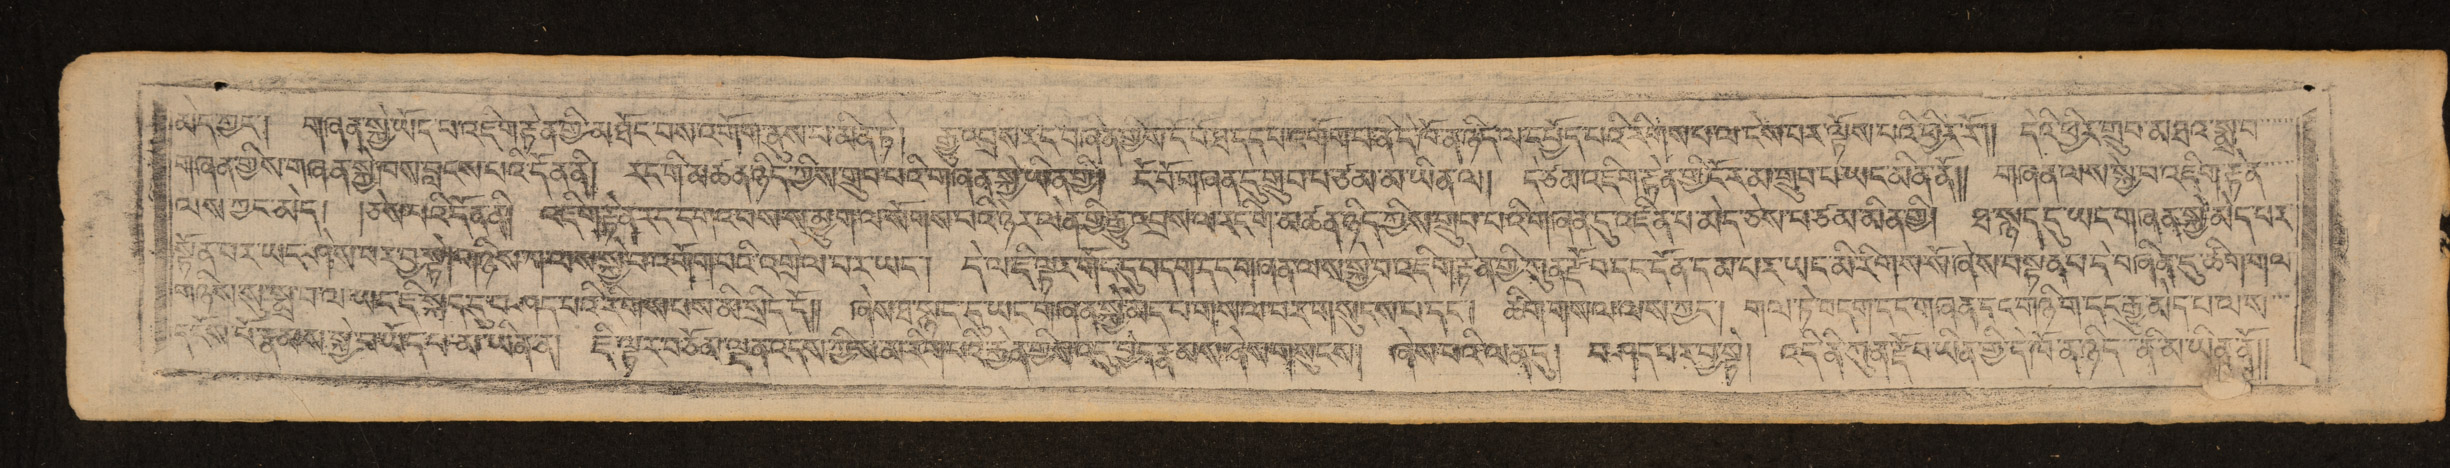མེད་ཀྱང་། གཞན་སྐྱེ་ཡོད་པ་འཇིག་རྟེན་གྱི་མཐོང་བས་འགོག་ནུས་པ་མིན་ཏེ། རྒྱུ་འབྲས་རང་བཞིན་གྱིས་ངོ་བོ་ཐ་དད་པ་འགོག་པ་ནི་དེ་ཁོ་ན་ཉིད་ལ་དཔྱོད་པའི་རིགས་པ་ལ་ངེས་པར་ལྟོས་པའི་ཕྱིར་རོ།། དེའི་ཕྱིར་གྲུབ་མཐའ་སྨྲ་བ་
གཞན་གྱིས་གཞན་སྐྱེ་ཁས་བླངས་པའི་དོན་ནི། རང་གི་མཚན་ཉིད་ཀྱིས་གྲུབ་པའི་གཞན་སྐྱེ་ཡིན་གྱི། ངོ་བོ་གཞན་དུ་གྲུབ་པ་ཙམ་མ་ཡིན་ལ། དེ་ཙམ་འཇིག་རྟེན་གྱི་ངོར་མ་གྲུབ་པ་ཡང་མིན་ནོ།། གཞན་ལས་སྐྱེ་བ་འཇིག་རྟེན་
ལས་ཀྱང་མེད། །ཅེས་པའི་དོན་ནི། འཇིག་རྟེན་རང་དགའ་བས་ས་མྱུག་ལ་སོགས་པའི་ཉེར་ལེན་གྱི་རྒྱུ་འབྲས་ལ་རང་གི་མཚན་ཉིད་ཀྱིས་གྲུབ་པའི་གཞན་དུ་འཛིན་པ་མེད་ཅེས་པ་ཙམ་མིན་གྱི། ཐ་སྙད་དུ་ཡང་གཞན་སྐྱེ་མེད་པར་
སྟོན་པར་ཡང་ཤེས་པར་བྱ་སྟེ། གཉིས་ཀ་ལས་སྐྱེ་བ་འགོག་པའི་འགྲེལ་པར་ཡང་། དེ་ལ་ཇི་ལྟར་གོང་དུ་བདག་དང་གཞན་ལས་སྐྱེ་བ་འཇིག་རྟེན་གྱི་ཀུན་རྫོབ་དང་དོན་དམ་པར་ཡང་མི་རིགས་སོ་ཞེས་བསྟན་པ་དེ་བཞིན་དུ་ཚིག་གལ་
གཉིས་སུ་སྨྲ་བ་ལ་ཡང་ཇི་སྐད་དུ་བཤད་པའི་རིགས་པས་མི་སྲིད་དོ།། ཞེས་ཐ་སྙད་དུ་ཡང་གཞན་སྐྱེ་མེད་པ་གསལ་བར་གསུངས་པ་དང་། ཚིག་གསལ་ལས་ཀྱང་། གལ་ཏེ་བདག་དང་གཞན་དང་གཉི་ག་དང་རྒྱུ་མེད་པ་ལས་
དངོས་པོ་རྣམས་སྐྱེ་བ་ཡོད་པ་མ་ཡིན་ན། ཇི་ལྟར་བཅོམ་ལྡན་འདས་ཀྱིས་མ་རིག་པའི་རྐྱེན་གྱིས་འདུ་བྱེད་རྣམས་ཞེས་གསུངས། ཞེས་པའི་ལན་དུ། བཤད་པར་བྱ་སྟེ། འདི་ནི་ཀུན་རྫོབ་ཡིན་གྱི་དེ་ཁོ་ན་ཉིད་ནི་མ་ཡིན་ནོ།།